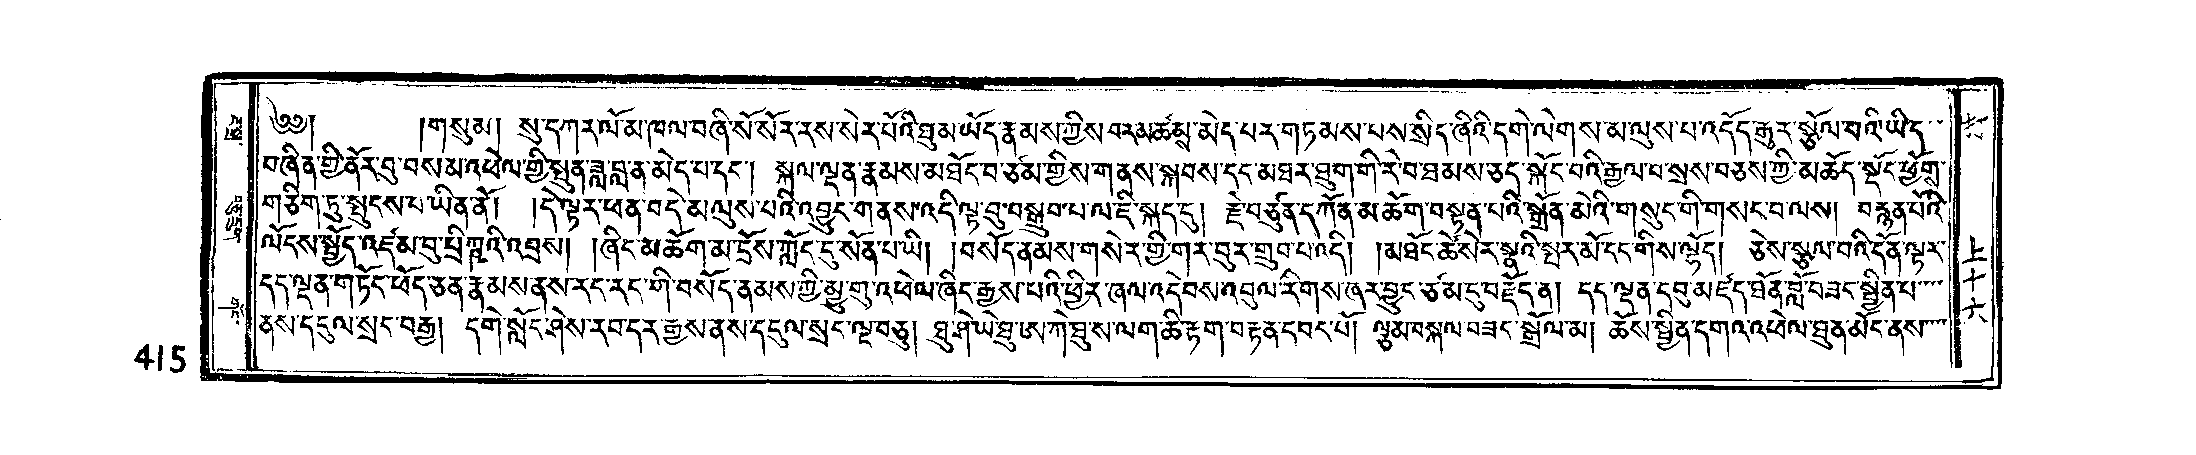༄༅། །གསུམ། སུ་དཀར་ལོ་མ་ཁལ་བཞི་སོ་སོར་རས་སེར་པོའི་ཐུམ་ཡོད་རྣམས་ཀྱིས་བར་མཚམས་མེད་པར་གཏམས་པས་སྲིད་ཞིའི་དགེ་ལེགས་མ་ལུས་པ་འདོད་རྒུར་སྩོལ་བའི་ཡིད་
བཞིན་གྱི་ནོར་བུ་བསམ་འཕེལ་གྱི་སྤུན་ཟླ་བླ་ན་མེད་པ་དང་། སྐལ་ལྡན་རྣམས་མཐོང་བ་ཙམ་གྱིས་གནས་སྐབས་དང་མཐར་ཐུག་གི་རེ་བ་ཐམས་ཅད་སྐོང་བའི་རྒྱལ་བ་སྲས་བཅས་ཀྱི་མཆོད་སྡོང་ཕྱོགས་
གཅིག་ཏུ་སྤུངས་པ་ཡིན་ནོ། །དེ་ལྟར་ཕན་བདེ་མ་ལུས་པའི་འབྱུང་གནས་འདི་ལྟ་བུ་བསྒྲུབ་པ་ལ་ཇི་སྐད་དུ། རྗེ་བཙུན་དཀོན་མཆོག་བསྟན་པའི་སྒྲོན་མེའི་གསུང་གི་གསང་བ་ལས། བརྙན་པོའི་
ལོངས་སྤྱོད་འཛམ་བུ་པྲིཀྵའི་འབྲས། །ཞིང་མཆོག་མ་དྲོས་ཀློང་དུ་སོན་པ་ཡི། །བསོད་ནམས་གསེར་གྱི་གར་བུར་གྲུབ་པ་འདི། །མཐོང་ཚེ་སེར་སྣའི་སྤར་མོ་ངང་གིས་ལྷོད། ཅེས་སྩལ་བའི་དོན་ལྟར་
དད་ལྡན་གཏོང་ཕོད་ཅན་རྣམས་ནས་རང་རང་གི་བསོད་ནམས་ཀྱི་མྱུ་གུ་འཕེལ་ཞིང་རྒྱས་པའི་ཕྱིར་ཞལ་འདེབས་འབུལ་རིགས་ཞར་བྱུང་ཙམ་དུ་བརྗོད་ན། དད་ལྡན་དབུ་མཛད་ཐོན་བློ་བཟང་སྦྱིན་པ་
ནས་དངུལ་སྲང་བརྒྱ། དགེ་སློང་ཤེས་རབ་དར་རྒྱས་ནས་དངུལ་སྲང་ལྔ་བཅུ། ཐུ་ཤེ་ཡེ་ཐུ་ཨ་ཀེ་ཐུ་ས་ལག་ཆི་རྟག་བརྟན་དབང་པོ། ལྕམ་བསྐལ་བཟང་སྒྲོལ་མ། ཆོས་སྦྱིན་དགའ་འཕེལ་ཐུན་མོང་ནས་